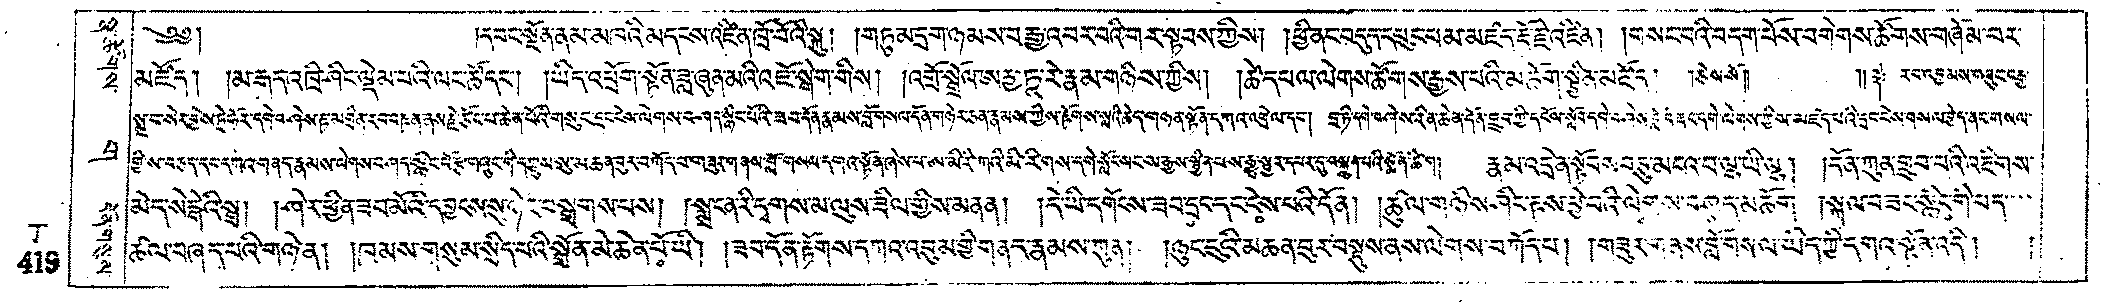༄༅། །དབང་སྔོན་ནམ་མཁའི་མདངས་འཛིན་ཁྲོ་བོའི་སྐུ། །གཏུམ་དྲག་ཉམས་བརྒྱ་འབར་བའི་གར་སྟབས་ཀྱིས། །ཕྱི་ནང་བདུད་དཔུང་ཕམ་མཛད་རྡོ་རྗེ་འཛིན། །གསང་བའི་བདག་པོས་བགེགས་ཚོགས་གཞོམ་པར་
མཛོད། །མ་རྒད་འཁྲི་ཤིང་ལྡེམ་པའི་ལང་ཚོ་དང་། །ཡིད་འཕྲོག་སྟོན་ཟླ་ཞུན་མའི་འཇོ་སྒེག་གིས། །འགྲོ་སྒྲོལ་ཨརྱ་ཏཱ་རེ་རྣམ་གཉིས་ཀྱིས། །ཚེ་དཔལ་ལེགས་ཚོགས་རྒྱས་པའི་མཆོག་སྦྱིན་མཛོད། །ཅེས་སོ།། །། འ་རབ་འབྱམས་གཞུང་བརྒྱ་
སྨྲ་བ་སེར་བྱེས་ཏྲེ་ཧོར་དགེ་བཤེས་རྟ་མགྲིན་རབ་བརྟན་ནས་རྗེ་ཙོང་པ་ཆེན་པོའི་གསུང་དྲང་ངེས་ལེགས་བཤད་སྙིང་པོའི་ཟབ་དོན་རྣམས་བློ་གསལ་དོན་གཉེར་ཅན་རྣམས་ཀྱིས་རྟོགས་སླའི་ཆེད་གཉན་སྟོན་དཀའ་འགྲེལ་དང་། བྲ་ཏི་དགེ་བཤེས་རིན་ཆེན་དོན་གྲུབ་ཀྱི་དངོས་སློབ་དགེ་བཤེས་བློ་བཟང་དགེ་ལེགས་ཀྱིས་མཛད་པའི་དྲང་ངེས་གསལ་བྱེད་ནང་གསལ་
གྱི་ས་བཅད་དང་དཀའ་གནད་རྣམས་ལེགས་བཤད་སྙིང་པོ་རྩ་གཞུང་གི་དཀྱུས་སུ་མཆན་བུར་བཀོད་པ་གཟུར་གནས་བློ་གསལ་དགའ་སྟོན་ཞེས་པ་ཨ་མི་རི་ཀའི་མི་རིགས་དགེ་སློང་སངས་རྒྱས་སྦྱིན་པས་རྒྱུ་སྦྱར་དཔར་དུ་བསྐྲུན་པའི་སྨོན་ཚིག། རྣམ་འདྲེན་སྟོབས་བཅུ་མངའ་བ་ལྷ་ཡི་ལྷ། །དོན་ཀུན་གྲུབ་པའི་འཇིགས་
མེད་སེངྒེའི་སྒྲ། །ཤེར་ཕྱིན་ཟབ་མོའི་དབྱངས་སུ་ཉེར་བསྒྲགས་པས། །སྨྲ་ངན་རི་དྭགས་མ་ལུས་ཟིལ་གྱིས་མནན། །དེ་ཡི་དགོངས་ཟབ་དྲང྾་དང་ངེས྾་པའི་དོན། །ཚུལ་གཉིས་ཤིང་རྟས་ཕྱེ་བའི་ལེགས྾་བཤད྾་མཆོག །སྐལ་བཟང་སྙིང྾་གི་པད་་་
ཚལ་བཞད་པའི་གཉེན། །ཁམས་གསུམ་སྲིད་པའི་སྒྲོན་མེ་ཆེན་པོ྾་ཡི། །ཟབ་དོན་རྟོགས་དཀའ་འབུམ་གྱི་གནད་རྣམས་ཀུན། །ཉུང་ངུའི་མཆན་བུར་བསྡུས་ནས་ལེགས་བཀོད་པ། །གཟུར་གནས་བློ་གསལ་ཡིད་ཀྱི་དགའ་སྟོན་འདི། །